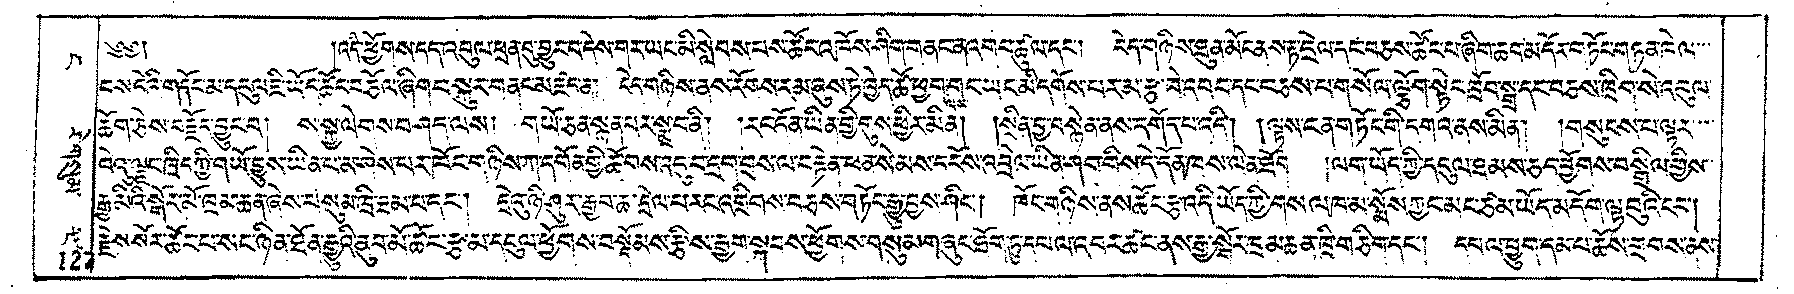༄༅། །འདི་ཕྱོགས་དད་འབུལ་ཕྲན་བུ་བྱུང་བ་དེས་གར་ཡང་མི་སླེབས་པས་ཚོང་འཁོས་ཤིག་གནང་ན་འགབ་ཚུལ་དང་། ངེད་གཉིས་ཐུན་མོང་ནས་རྟ་དྲེལ་དང་བཅས་ཚོང་པ་ཞིག་ཆབ་མདོར་གཏོང་གཏན་ཁེལ་
བས་དེའི་གདོང་མ་དངུལ་ཇི་ཡོད་ཚོང་བཅོལ་ཞིག་བསྐུར་གནང་མཛད་ན། ངེད་གཉིས་ནས་རོགས་རམ་ཞུས་ཏེ་ཁྱེད་ཚོ་ཕྱག་ལས་གང་ཡང་མི་དགོས་པར་མ་རྩ་ཁེ་འབབ་དང་བཅས་པ་གསོལ་ལྕོག་སྟེང་ཁྲོབ་སྒྲ་དང་བཅས་ཁྲིག་སེ་འབུལ་
ཆོག་ཅེས་བརྗོད་བྱུང་བ། ས་སྐྱ་ལེགས་བཤད་ལས། གཡོ་ཅན་སྙན་པར་སྨྲ་བ་ནི། །རང་དོན་ཡིན་གྱི་གུས་ཕྱིར་མིན། །སྲིན་བྱ་བསྙེན་ནས་དགོད་པ་འདི། །ལྟས་ངན་གཏོང་གི་དགའ་ནས་མིན། །གསུངས་པ་ལྟར་
བེའུ་ལྗང་ཁྲིད་ཀྱི་གཡོ་བྱུས་ཡིན་པ་མ་ཤེས་པར་ཁོང་གཉིས་ཀ་དགོན་གྱི་ཚོགས་འདུ་བ་དྲག་གྲས་ལ་བརྟེན་ཕན་སེམས་དངོས་འབྲེལ་ཡིན་ཤག་གིས་དེ་དོན་ཁས་ལེན་ཐོག །ལག་ཡོད་ཀྱི་དངུལ་ཐམས་ཅད་ཕྱོགས་བསྒྲིལ་གྱིས་
རྒྱ་མིའི་སྒོར་མོ་ཁྲམ་ཆན་ཞེས་པ་སུམ་ཁྲི་ཐམ་པ་དང་། དྲེའུ་ཉི་ཤུར་རྒྱབ་ཆ་དྲེལ་པ་རང་འགྲིགས་བཅས་གཏོང་རྒྱུ་བྱས་ཤིང་། ཁོང་གཉིས་ནས་ཚོང་རྩ་འདི་ཡོད་ཀྱི་གསལ་ཁ་མ་སྨོས་ཀྱང་མང་ཙམ་ཡོད་མདོག་ལྟ་བུའི་ངང་།
རྗེས་སོར་ཚོང་པ་སང་ཉིན་ཐོན་རྒྱུའི་ནུབ་མོ་ཚོང་རྩ་མ་དངུལ་ཕྱོགས་བསྡོམས་རྩིས་རྒྱག་སྐབས་ཕྱོགས་གསུམ་གཞུང་ཐོག་ཏུ་དཔལ་འབར་ཚང་ནས་རྒྱ་སྒོར་ཁྲམ་ཆན་ཁྲི་གཅིག་དང་། དཔལ་ཕྱུག་དམ་པ་ཆོས་གྲགས་ནས་